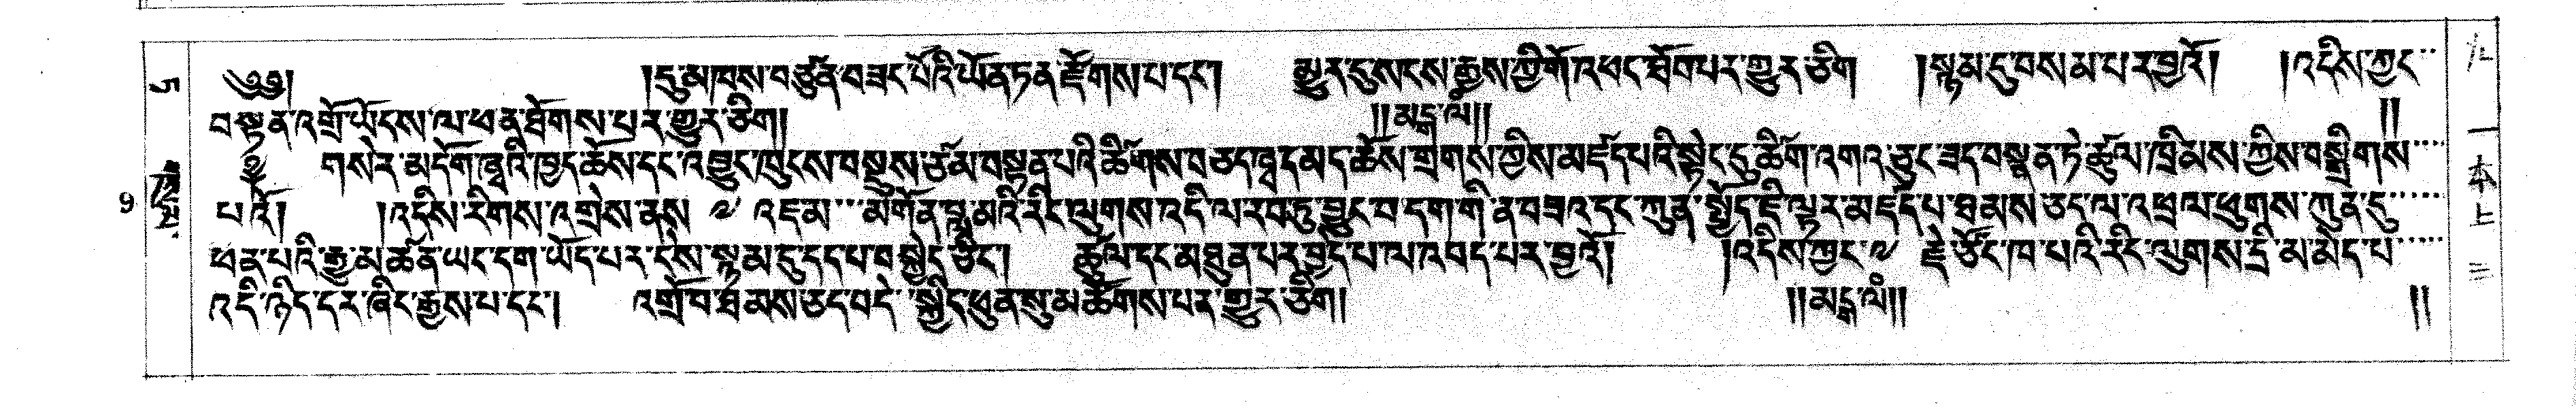༄༅། །དུ་མཁས་བཙུན་བཟང་པོའི་ཡོན་ཏན་རྫོགས་པ་དང་། མྱུར་དུ་སངས་རྒྱས་ཀྱི་གོ་འཕང་ཐོབ་པར་གྱུར་ཅིག །སྙམ་དུ་བསམ་པར་བྱའོ། །འདིས་ཀྱང་
བསྟན་འགྲོ་ཡོངས་ལ་ཕན་ཐོགས་པར་གྱུར་ཅིག། །།མངྒ་ལཾ།། །།
༈ གསེར་མདོག་ཞྭའི་ཁྱད་ཆོས་དང་འབྱུང་ཁུངས་བསྡུས་ཙམ་བསྟན་པའི་ཚིགས་བཅད་ཞྭ་དམད་ཆོས་གྲགས་ཀྱིས་མཛད་པའི་སྟེང་དུ་ཚིག་འགའ་ཅུང་ཟད་བསྣན་ཏེ་ཚུལ་ཁྲིམས་ཀྱིས་བསྒྲིགས་
པའོ། །འདིས་རིགས་འགྲེས་ནས་༧་འཇམ་མགོན་བླ་མའི་རིང་ལུགས་འདི་ལ་རབ་ཏུ་བྱུང་བ་དག་གི་ན་བཟའ་དང་ཀུན་སྤྱོད་ཇི་ལྟར་མཛད་པ་ཐམས་ཅད་ལ་འཕྲལ་ཕུགས་ཀུན་དུ་
ཕན་པའི་རྒྱུ་མཚན་ཡང་དག་ཡོད་པར་ངེས་སྙམ་དུ་དད་པ་བསྐྱེད་ཅིང་། ཚུལ་དང་མཐུན་པར་བྱེད་པ་ལ་འབད་པར་བྱའོ། །འདིས་ཀྱང་༧་རྗེ་ཙོང་ཁ་པའི་རིང་ལུགས་དྲི་མ་མེད་པ་
འདི་ཉིད་དར་ཞིང་རྒྱས་པ་དང་། འགྲོ་བ་ཐམས་ཅད་བདེ་སྐྱིད་ཕུན་སུམ་ཚོགས་པར་གྱུར་ཅིག། །།མངྒ་ལཾ།། །།